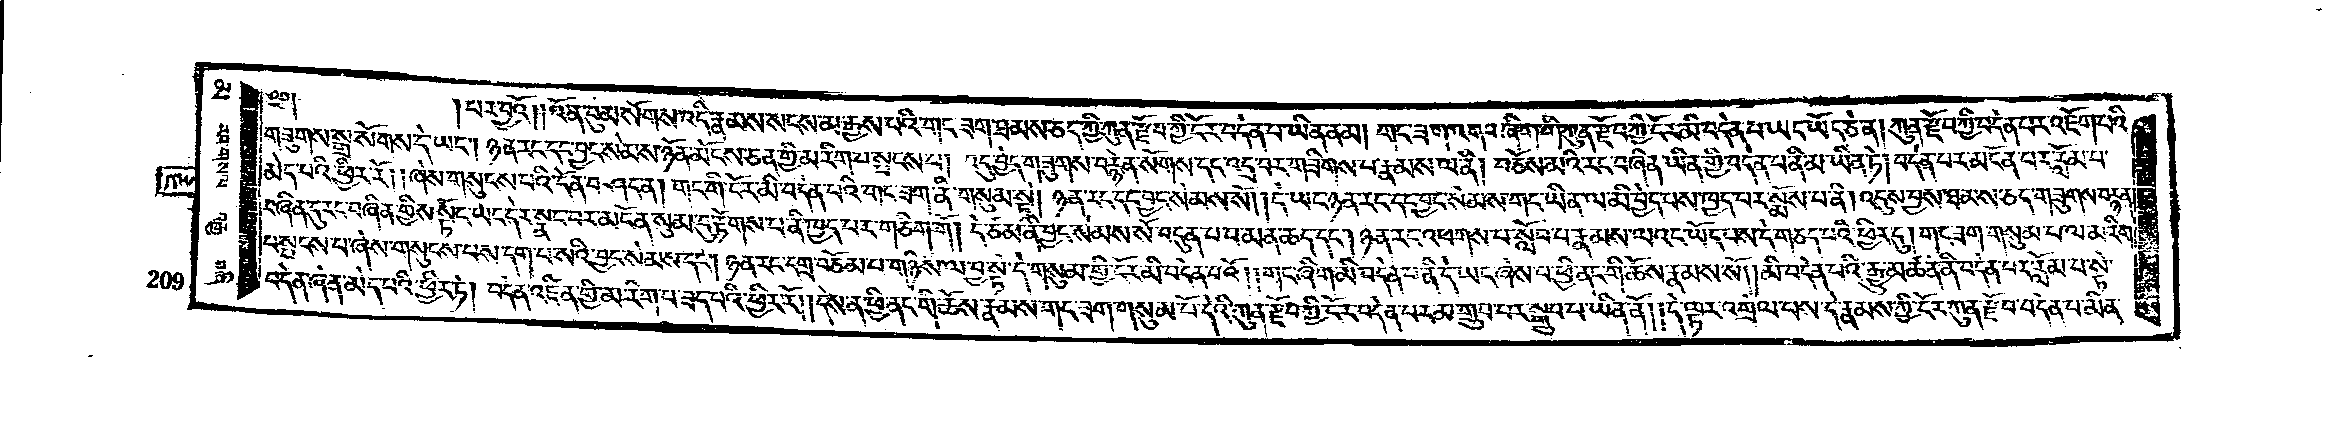༄༅། །པར་བྱའོ། །འོ་ན་བུམ་སོགས་འདི་རྣམས་སངས་མ་རྒྱས་པའི་གང་ཟག་ཐམས་ཅད་ཀྱི་ཀུན་རྫོབ་ཀྱི་ངོར་བདེན་པ་ཡིན་ནམ། གང་ཟག་འགའ་ཞིག་གི་ཀུན་རྫོབ་ཀྱི་ངོར་མི་བདེན་པ་ཡང་ཡོད་ཅེ་ན། ཀུན་རྫོབ་ཀྱི་བདེན་པར་འཇོག་པའི་
གཟུགས་སྒྲ་སོགས་དེ་ཡང་། ཉན་རང་དང་བྱང་སེམས་ཉོན་མོངས་ཅན་གྱི་མ་རིག་པ་སྤངས་པ། འདུ་བྱེད་གཟུགས་བརྙན་སོགས་དང་འདྲ་བར་གཟིགས་པ་རྣམས་ལ་ནི། བཅོས་མའི་རང་བཞིན་ཡིན་གྱི་བདེན་པ་ནི་མ་ཡིན་ཏེ། བདེན་པར་མངོན་པར་རློམ་པ་
མེད་པའི་ཕྱིར་རོ། །ཞེས་གསུངས་པའི་དོན་བཤད་ན། གང་གི་ངོར་མི་བདེན་པའི་གང་ཟག་ནི་གསུམ་སྟེ། ཉན་རང་དང་བྱང་སེམས་སོ། །དེ་ཡང་ཉན་རང་དང་བྱང་སེམས་གང་ཡིན་ལ་མི་བྱེད་པས་ཁྱད་པར་སྨོས་པ་ནི། འདུས་བྱས་ཐམས་ཅད་གཟུགས་བརྙན་
བཞིན་དུ་རང་བཞིན་གྱིས་སྟོང་ཡང་དེར་སྣང་བར་མངོན་སུམ་དུ་རྟོགས་པ་ནི་ཁྱད་པར་གཅིག་གོ །དེ་ཙམ་ནི་བྱང་སེམས་ས་བདུན་པ་བ་མན་ཆད་དང་། ཉན་རང་འཕགས་པ་སློབ་པ་རྣམས་ལའང་ཡོད་པས་དེ་གཅད་པའི་ཕྱིར་དུ། གང་ཟག་གསུམ་པ་ལ་མ་རིག་
པ་སྤངས་པ་ཞེས་གསུངས་པས་དག་པ་སའི་བྱང་སེམས་དང་། ཉན་རང་དགྲ་བཅོམ་པ་གཉིས་ལ་བྱ་སྟེ་དེ་གསུམ་གྱི་ངོར་མི་བདེན་པའོ། །གང་ཞིག་མི་བདེན་པ་ནི་དེ་ཡང་ཞེས་པ་ཕྱི་ནང་གི་ཆོས་རྣམས་སོ། །མི་བདེན་པའི་རྒྱུ་མཚན་ནི་བདེན་པར་རློམ་པ་སྟེ་
བདེན་ཞེན་མེད་པའི་ཕྱིར་ཏེ། བདེན་འཛིན་གྱི་མ་རིག་པ་ཟད་པའི་ཕྱིར་རོ། །དེས་ན་ཕྱི་ནང་གི་ཆོས་རྣམས་གང་ཟག་གསུམ་པོ་དེའི་ཀུན་རྫོབ་ཀྱི་ངོར་བདེན་པར་མ་གྲུབ་པར་སྒྲུབ་པ་ཡིན་ནོ། །དེ་ལྟར་འགྲེལ་པས་དེ་རྣམས་ཀྱི་ངོར་ཀུན་རྫོབ་བདེན་པ་མིན་